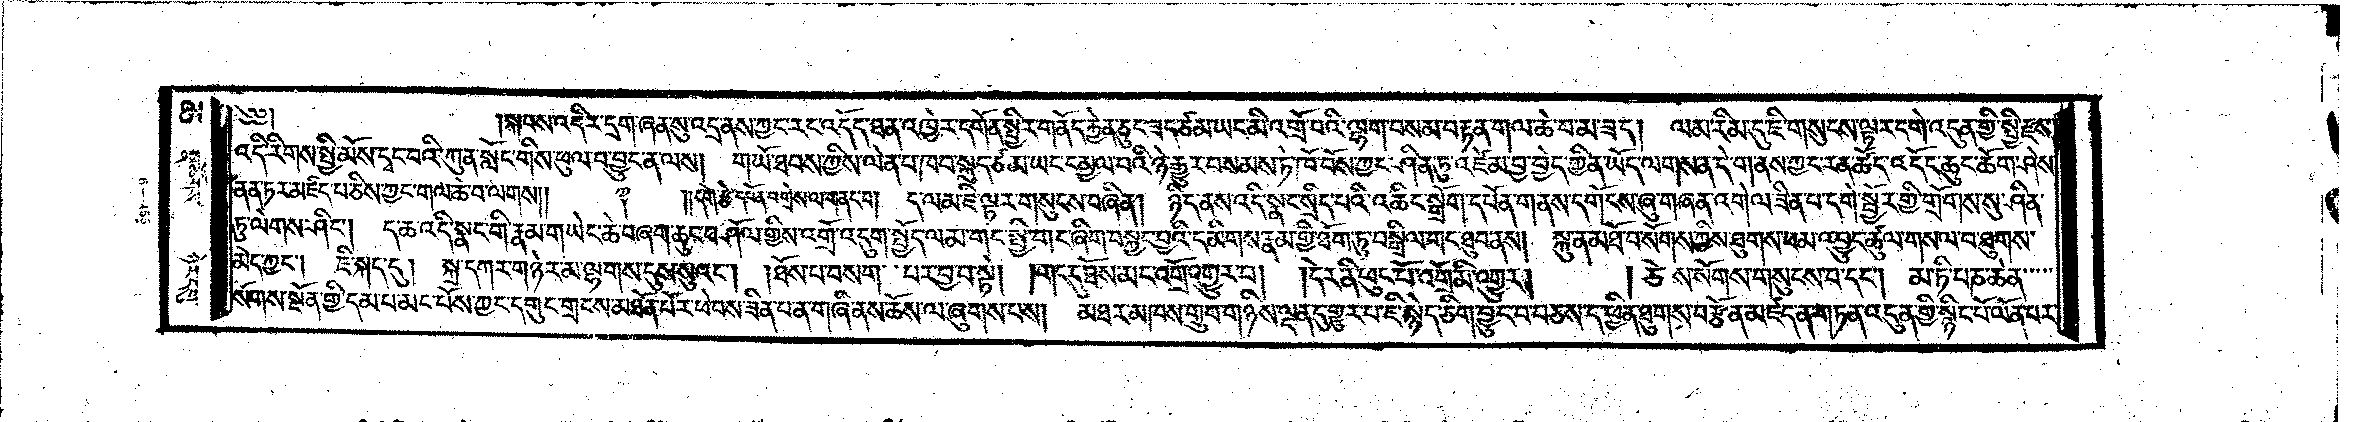༄༅། །སྐབས་འདིར་དྲག་ཞན་སུ་འདྲ་ནས་ཀྱང་རང་འདོད་ཐན་འཁྱེར་དགོན་སྤྱིར་གནོད་རྐྱེན་ཅུང་ཟད་ཙམ་ཡང་མི་འགྲོ་བའི་ལྷག་བསམ་བརྟན་གལ་ཆེ་བ་མ་ཟད། ལམ་རིམ་དུ་ཇི་གསུངས་ལྟར་དགེ་འདུན་གྱི་སྤྱི་རྫས་
འདི་རིགས་སྤྱི་མོས་དྭང་བའི་ཀུན་སློང་གིས་ཕུལ་བ་བྱུང་ན་ལས། གཡོ་ཐབས་ཀྱིས་ལེན་པ་ཁབ་སྐུད་ཙམ་ཡང་དམྱལ་བའི་ཉེ་རྒྱུར་བསམས་ཏེ་ཁོ་བོས་ཀྱང་ཤིན་ཏུ་འཛེམ་བྱ་བྱེད་ཀྱིན་ཡོད་ལགས་ན་དེ་གནས་ཀྱང་རན་ཚོད་འདོད་ཆུང་ཆོག་ཤེས་
ནན་ཏར་མཛད་པ་ཅིས་ཀྱང་གལ་ཆེ་བ་ལགས།། ༈ །།དགེ་རྩེ་དཔོན་བགྲེས་ལ་གནང་བ།  ད་ལམ་ཇི་ལྟར་གསུངས་བཞིན། ཉིད་ནས་འདི་སྣང་སྲིད་པའི་འཆིང་སྒྲོག་དཔོན་གནས་དགོངས་ཞུ་གཞན་འགེལ་ཟིན་པ་དགེ་སྦྱོར་གྱི་གྲོགས་སུ་ཤིན་
ཏུ་ལེགས་ཤིང་། ད་ཆ་འདི་སྣང་གི་རྣམ་གཡེང་ཆེ་བཞག་ཆུང་བ་ཤོལ་གྱིས་འགྲོ་འདུག་སྤྱོད་ལམ་གང་སྤྱི་གང་ཞིག་བསྐྱང་བྱའི་དམིགས་རྣམ་གྱི་ཐོག་ཏུ་བསྒྲིལ་གང་ཐུབ་ནས། སྐུ་ན་མཐོ་བ་སོགས་ཀྱིས་ཐུགས་ཕམ་འབྱུང་ཚུལ་གསལ་བ་ཐུགས་
མེད་ཀྱང་། ཇི་སྐད་དུ། སྐྲ་དཀར་གཉེར་མ་ལྷགས་དུས་སུའང་། །ཐོས་པ་བསག་པར་བྱ་བ་སྟེ། །གང་དུ་ཐོས་མང་འགྲོ་འགྱུར་བ། །དེར་ནི་ཕུང་པོ་འགྲོ་མི་འགྱུར། །ཅེས་སོགས་གསུངས་བ་དང་། མ་ཏི་པཎ་ཆེན་
སོགས་སྔོན་གྱི་དམ་པ་མང་པོས་ཀྱང་དགུང་གྲངས་མཐོན་པོར་ཕེབས་ཟིན་པན་གཞི་ནས་ཆོས་ལ་ཞུགས་པས། མཐར་མཁས་གྲུབ་གཉིས་ལྡན་དུ་གྱུར་པ་ཇི་སྙེད་ཅིག་བྱུང་བ་བཅས་ད་ཕྱིན་ཐུགས་བརྩོན་མཛད་ན་གཏན་འདུན་གྱི་སྙིང་པོ་ལོན་པར་